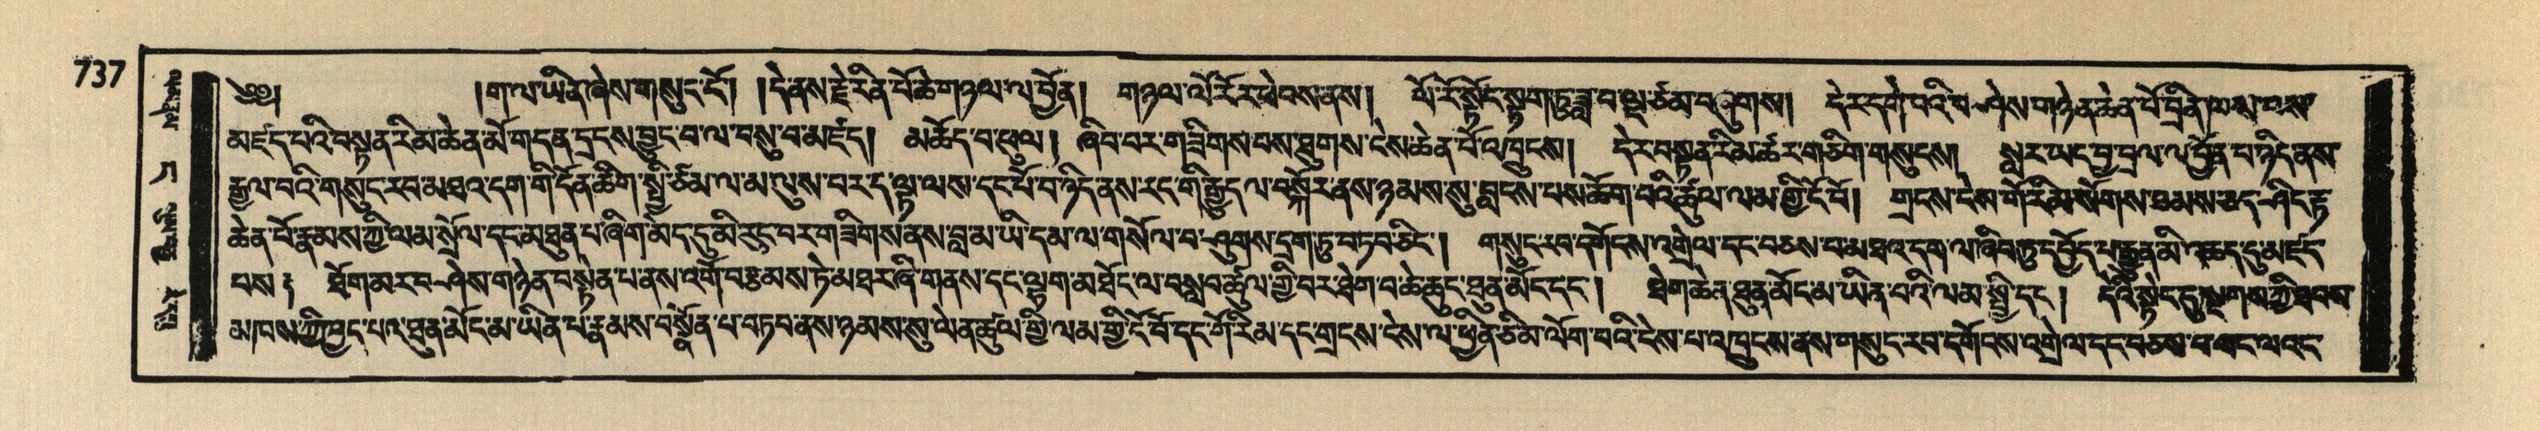༄༅། །ག་ལ་ཡིན་ཞེས་གསུང་ངོ། །དེ་ནས་རྗེ་རིན་པོ་ཆེ་གཉལ་ལ་བྱོན། གཉལ་ལོ་རོར་ཕེབས་ནས། ལོ་རོ་སྟོང་སྟག་ཏུ་ཟླ་པ་ལྔ་ཙམ་བཞུགས། དེར་དགེ་བའི་བཤེས་གཉེན་ཆེན་པོ་བྲིན་ཁས་བས་
མཛད་པའི་བསྟན་རིམ་ཆེན་མོ་གདན་དྲངས་བྱུང་བ་ལ་བསུ་བ་མཛད། མཆོད་བ་ཕུལ། ཞིབ་བར་གཟིགས་པས་ཐུགས་ངེས་ཆེན་པོ་འཁྲུངས། དེར་བསྟན་རིམ་ཚར་གཅིག་གསུངས། སླར་ཡང་བྱ་བྲལ་ལ་བྱོན་པ་ཉིད་ནས་
རྒྱལ་བའི་གསུང་རབ་མཐའ་དག་གི་དོན་ཚིག་སྤྱི་ཙམ་ལ་མ་ལུས་བར་ད་ལྟ་ལས་དང་པོ་བ་ཉིད་ནས་རང་གི་རྒྱུད་ལ་བསྐོར་ནས་ཉམས་སུ་བླངས་པས་ཆོག་བའི་ཚུལ་ལམ་གྱི་ངོ་བོ། གྲངས་ངེས་གོ་རིམ་སོགས་ཐམས་ཅད་ཤིང་རྟ་
ཆེན་པོ་རྣམས་ཀྱི་ལམ་སྲོལ་དང་མཐུན་པ་ཞིག་མེད་དུ་མི་རུང་བར་གཟིགས་ནས་བླ་མ་ཡི་དམ་ལ་གསོལ་བ་ཤུགས་དྲག་ཏུ་བཏབ་ཅིང་། གསུང་རབ་དགོངས་འགྲེལ་དང་བཅས་བ་མཐའ་དག་ལ་ཞིབ་ཏུ་དཔྱོད་པ་རྒྱུན་མི་འཆད་དུ་མཛད་
བས༑ ཐོག་མར་བཤེས་གཉེན་བསྟེན་པ་ནས་འགོ་བརྩམས་ཏེ་མཐར་ཞི་གནས་དང་ལྷག་མཐོང་ལ་བསླབ་ཚུལ་གྱི་བར་ཐེག་བ་ཆེ་ཆུང་ཐུན་མོང་དང་། ཐེག་ཆེན་ཐུན་མོང་མ་ཡིན་པའི་ལམ་སྤྱི་དང་། དེའི་སྟེང་དུ་སྔགས་ཀྱི་ཐབས་
མཁས་ཀྱི་ཁྱད་པ་འཐུན་མོང་མ་ཡིན་པ་རྣམས་བསྣོན་པ་བཏབ་ནས་ཉམས་སུ་ལེན་ཚུལ་གྱི་ལམ་གྱི་ངོ་བོ་དང་གོ་རིམ་དང་གྲངས་ངེས་ལ་ཕྱིན་ཅི་མ་ལོག་བའི་ངེས་པ་འཁྲུངས་ནས་གསུང་རབ་དགོངས་འགྲེལ་དང་བཅས་བ་ལང་ལའང་